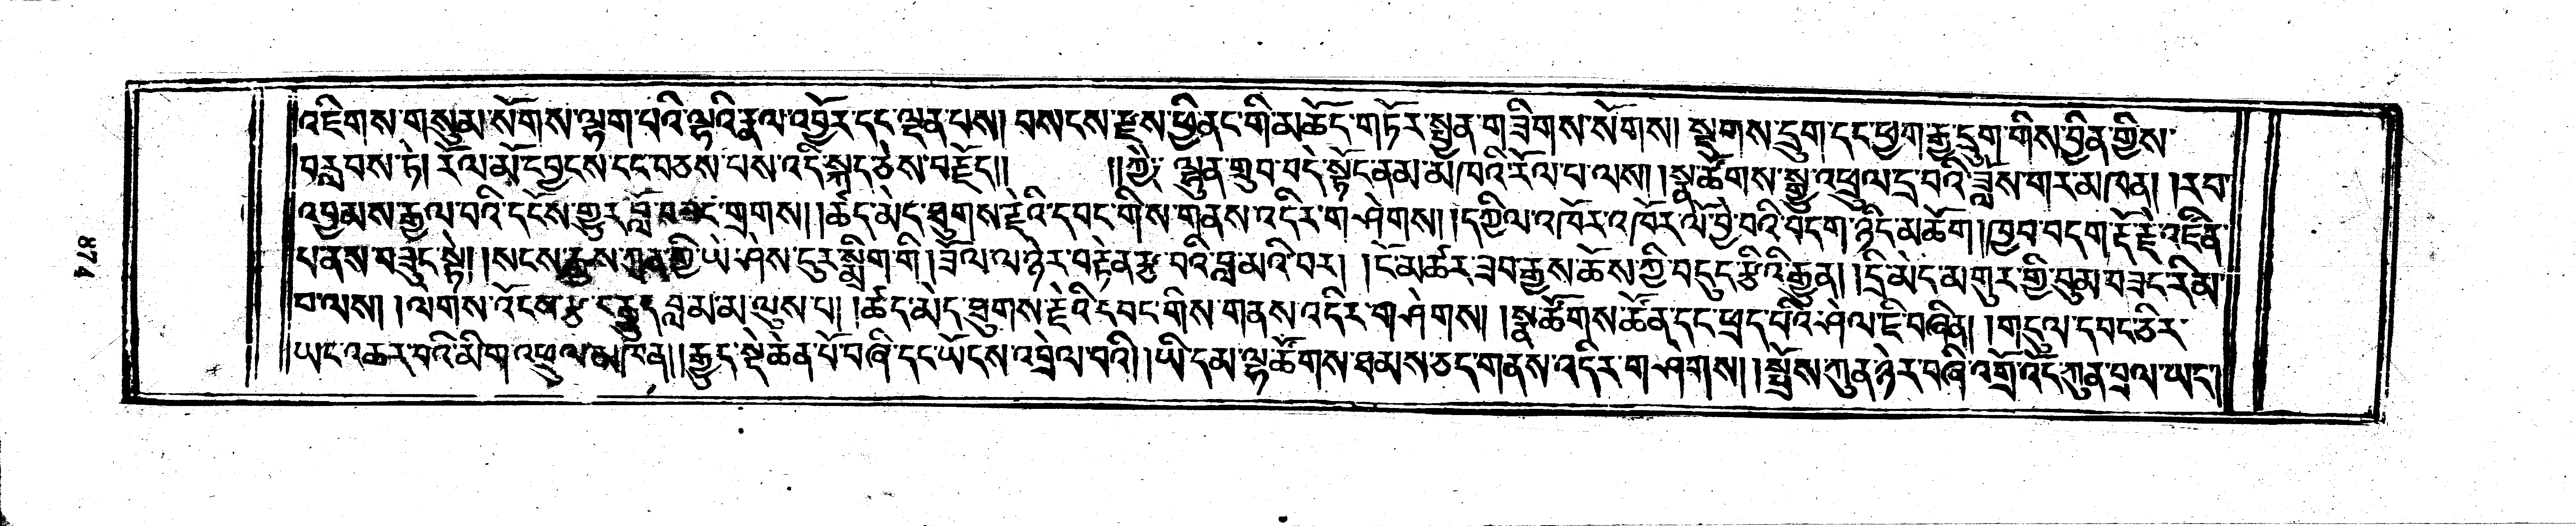འཇིགས་གསུམ་སོགས་ལྷག་པའི་ལྷའི་རྣལ་འབྱོར་དང་ལྡན་པས། བསངས་རྫས་ཕྱི་ནང་གི་མཆོད་གཏོར་སྤྱན་གཟིགས་སོགས། སྔགས་དྲུག་དང་ཕྱག་རྒྱ་དྲུག་གིས་བྱིན་གྱིས་
བརླབས་ཏེ། རོལ་མོ་དབྱངས་དང་བཅས་པས་འདི་སྐད་ཅེས་བརྗོད།། །།ཀྱཻ༑ ལྷུན་གྲུབ་བདེ་སྟོང་ནམ་མཁའི་རོལ་པ་ལས། །སྣ་ཚོགས་སྒྱུ་འཕྲུལ་དྲ་བའི་ཟློས་གར་མཁན། །རབ་
འབྱམས་རྒྱལ་བའི་དངོས་གྱུར་བློ་བཟང་གྲགས། །ཚད་མེད་ཐུགས་རྗེའི་དབང་གིས་གནས་འདིར་གཤེགས། །དཀྱིལ་འཁོར་འཁོར་ལོ་བྱེ་བའི་བདག་ཉིད་མཆོག །ཁྱབ་བདག་རྡོ་རྗེ་འཛིན་
པ་ནས་བཟུང་སྟེ། །སངས་རྒྱས་ཀུན་གྱི་ཡེ་ཤེས་ངུར་སྨྲིག་གི །ཟོལ་ལ་ཉེར་བརྟེན་རྩ་བའི་བླ་མའི་བར། །ངོ་མཚར་ཟབ་རྒྱས་ཆོས་ཀྱི་བདུད་རྩིའི་རྒྱུན། །དྲི་མེད་མགུར་གྱི་བུམ་བཟང་རིམ་
པ་ལས། །ལེགས་འོངས་རྩ་བརྒྱུད་བླ་མ་ལུས་པ། །ཚད་མེད་ཐུགས་རྗེའི་དབང་གིས་གནས་འདིར་གཤེགས། །སྣ་ཚོགས་ཚོན་དང་ཕྲད་པའི་ཤེལ་ཇི་བཞིན། །གདུལ་དབང་ཅིར་
ཡང་འཆར་བའི་མིག་འཕྲུལ་མཁན། །རྒྱུད་སྡེ་ཆེན་པོ་བཞི་དང་ཡོངས་འབྲེལ་བའི། །ཡི་དམ་ལྷ་ཚོགས་ཐམས་ཅད་གནས་འདིར་གཤེགས། །སྤྲོས་ཀུན་ཉེར་བཞི་འགྲོ་འོང་ཀུན་བྲལ་ཡང་